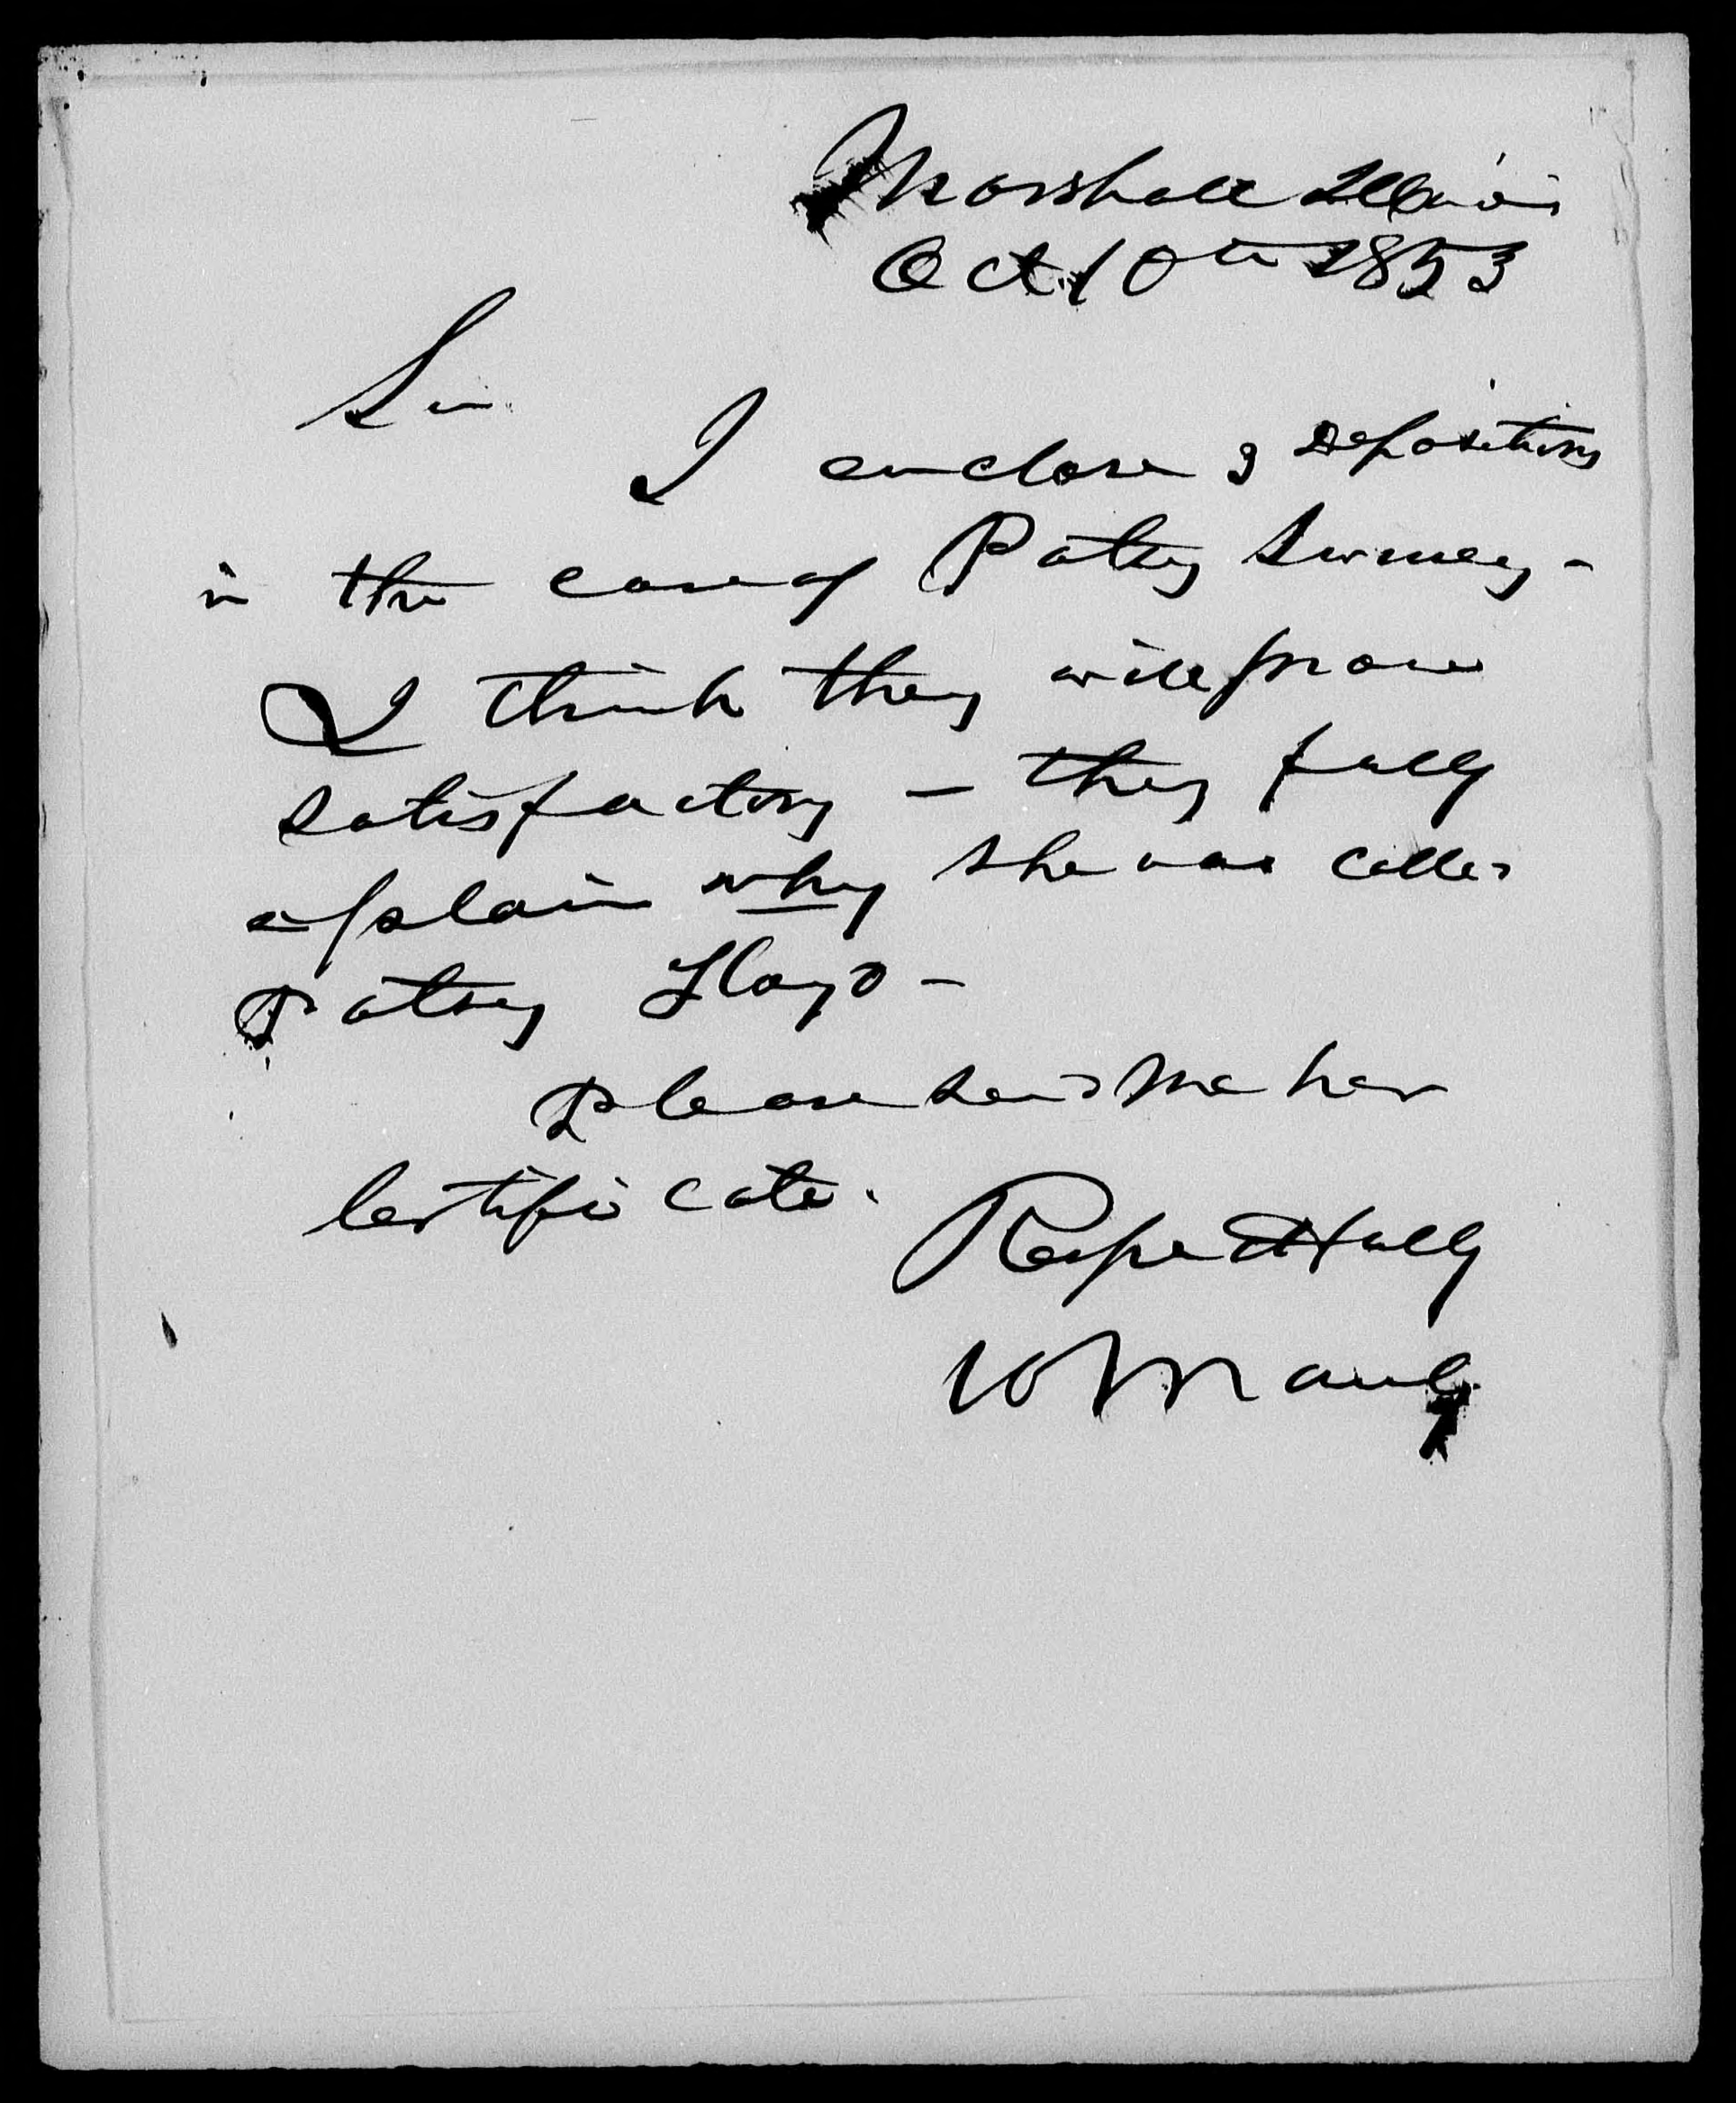Marshall Illinois 
Oct 10th 1853 
Sir
I enclose 3 depositions in the case of Patsy Swiney. I think they will prove satisfactory. They fully explain why she was called Patsy Lloyd.
Please send me her Certificate.
Respectfully W Manly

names: W Manly, Patsy Swiney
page: 50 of 51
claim: widow's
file: W. 27,409, William Dunnington, Md.